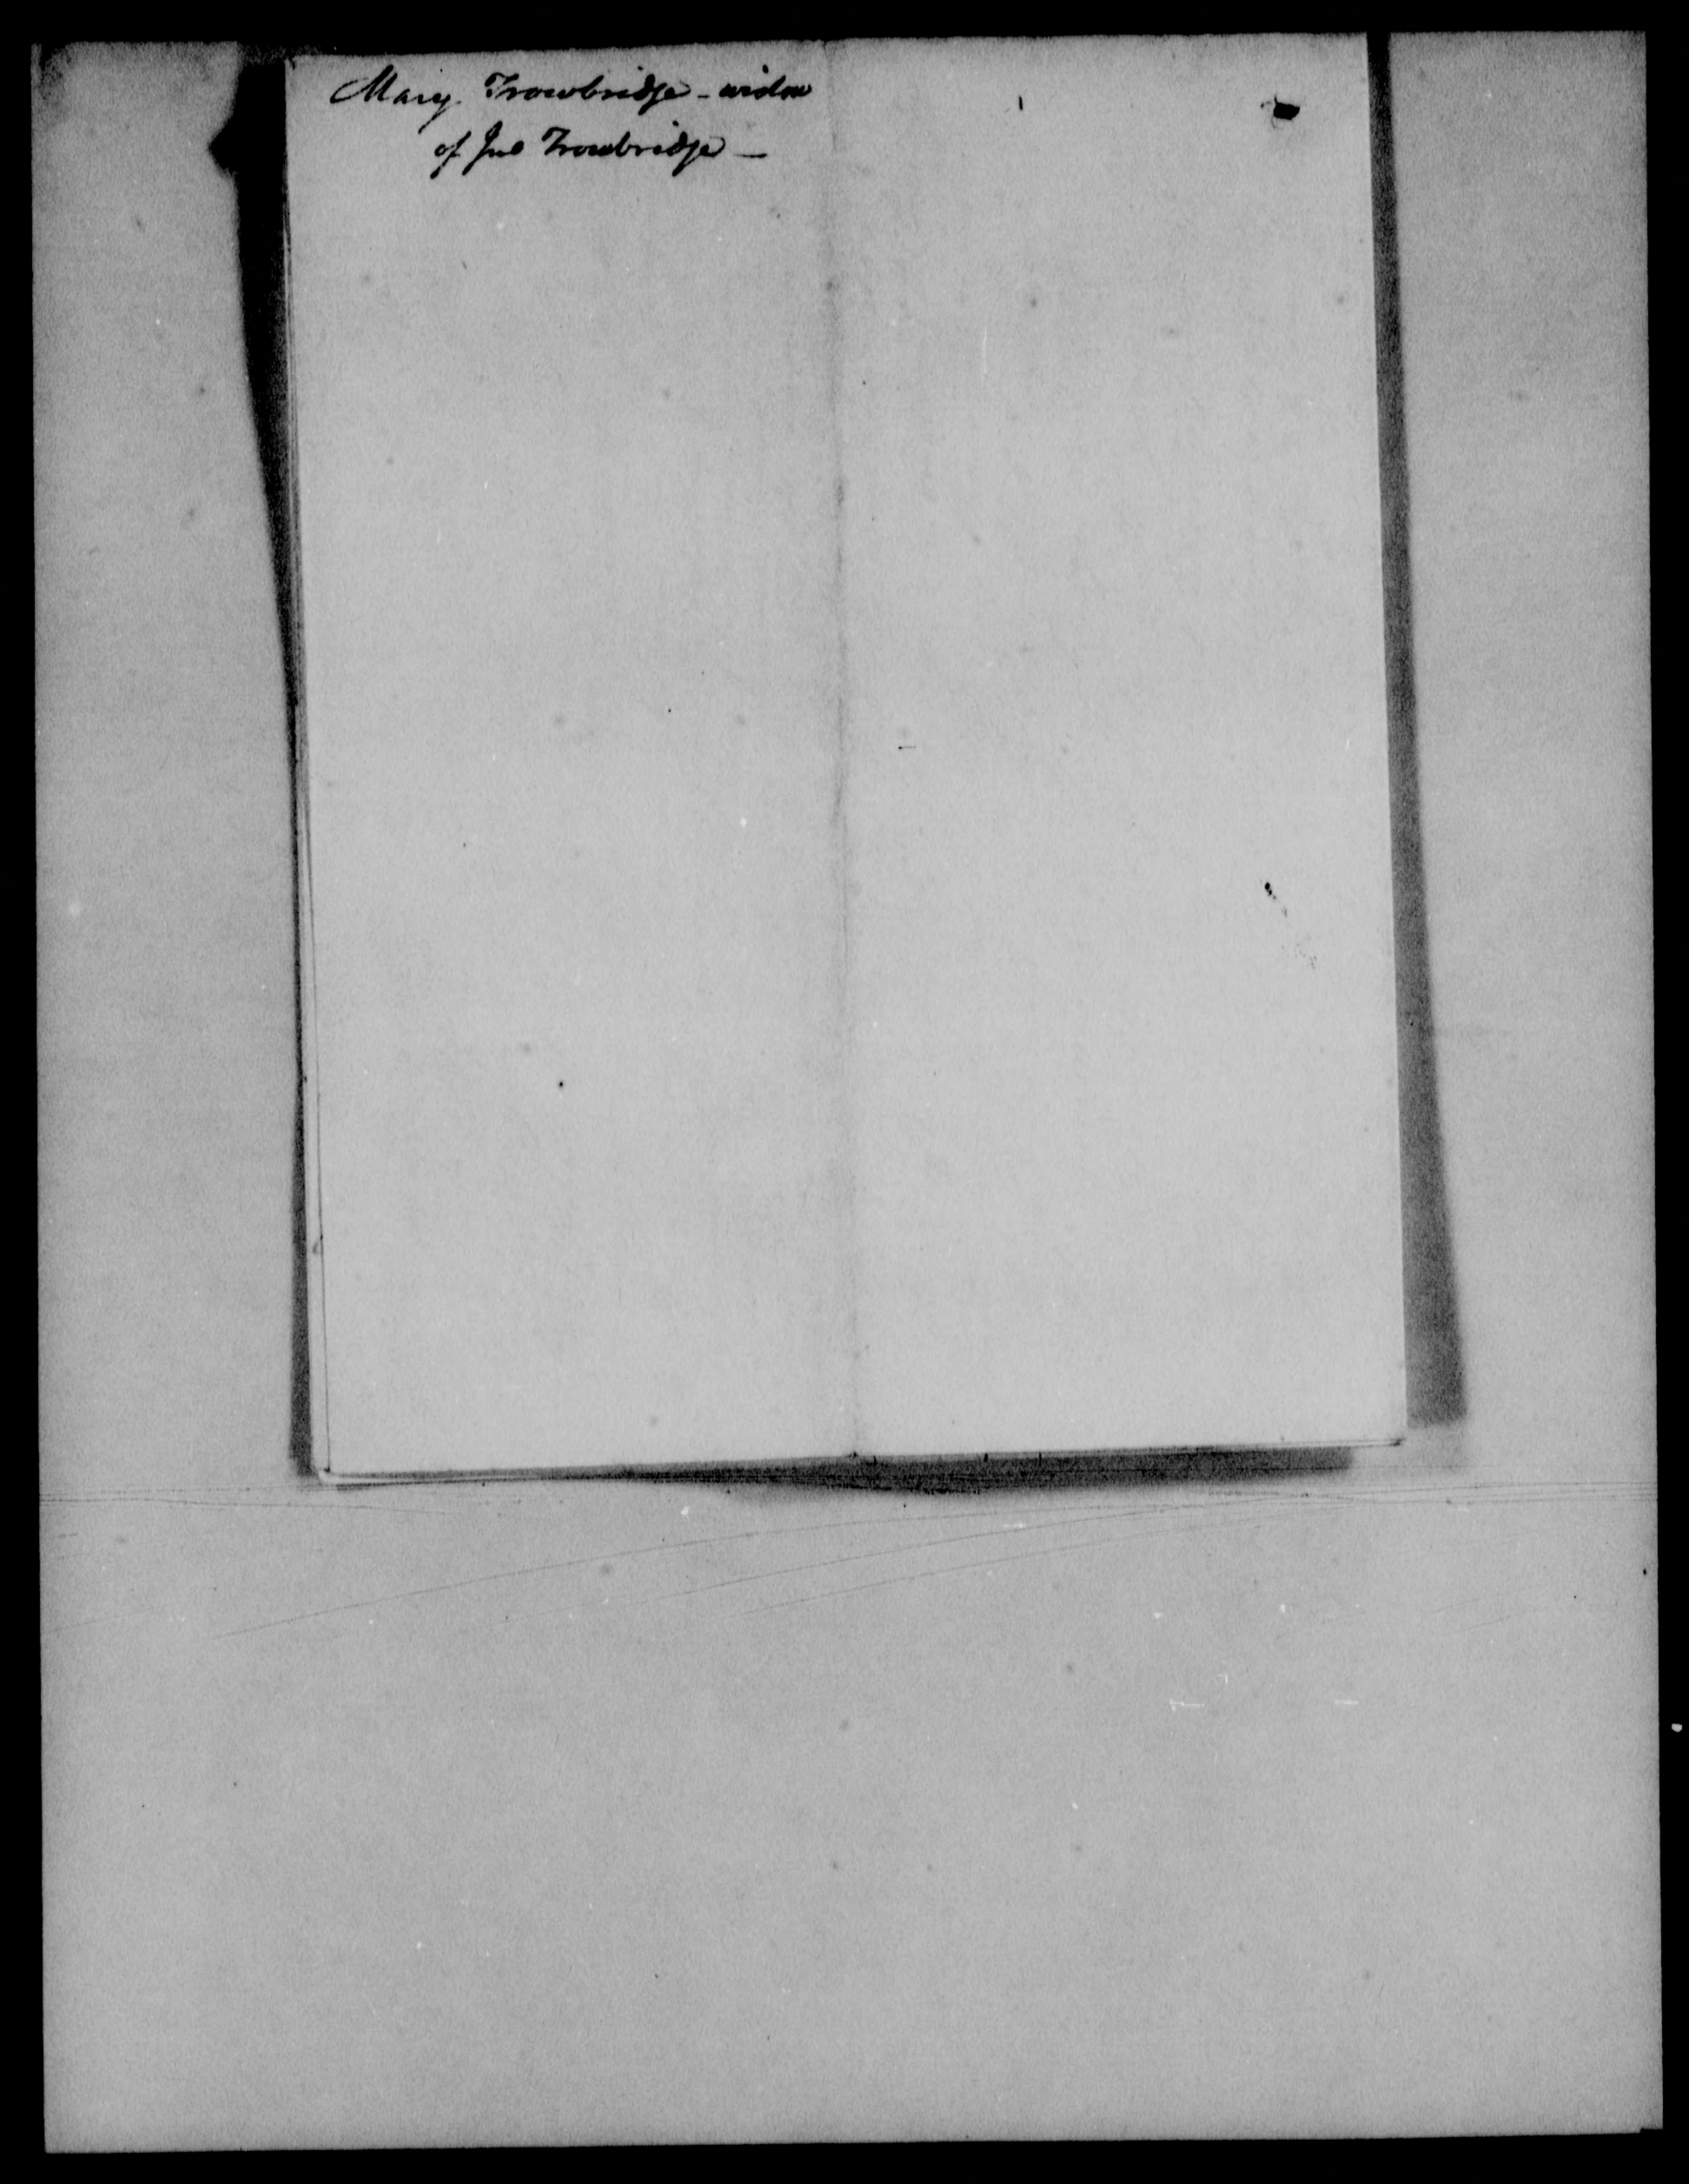Mary Trowbridge - widow
of Jno [John] Trowbridge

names: Mary Trowbridge, Jno Trowbridge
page: 4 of 34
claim: widow's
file: W. 15439, John Trowbridge, Mass.